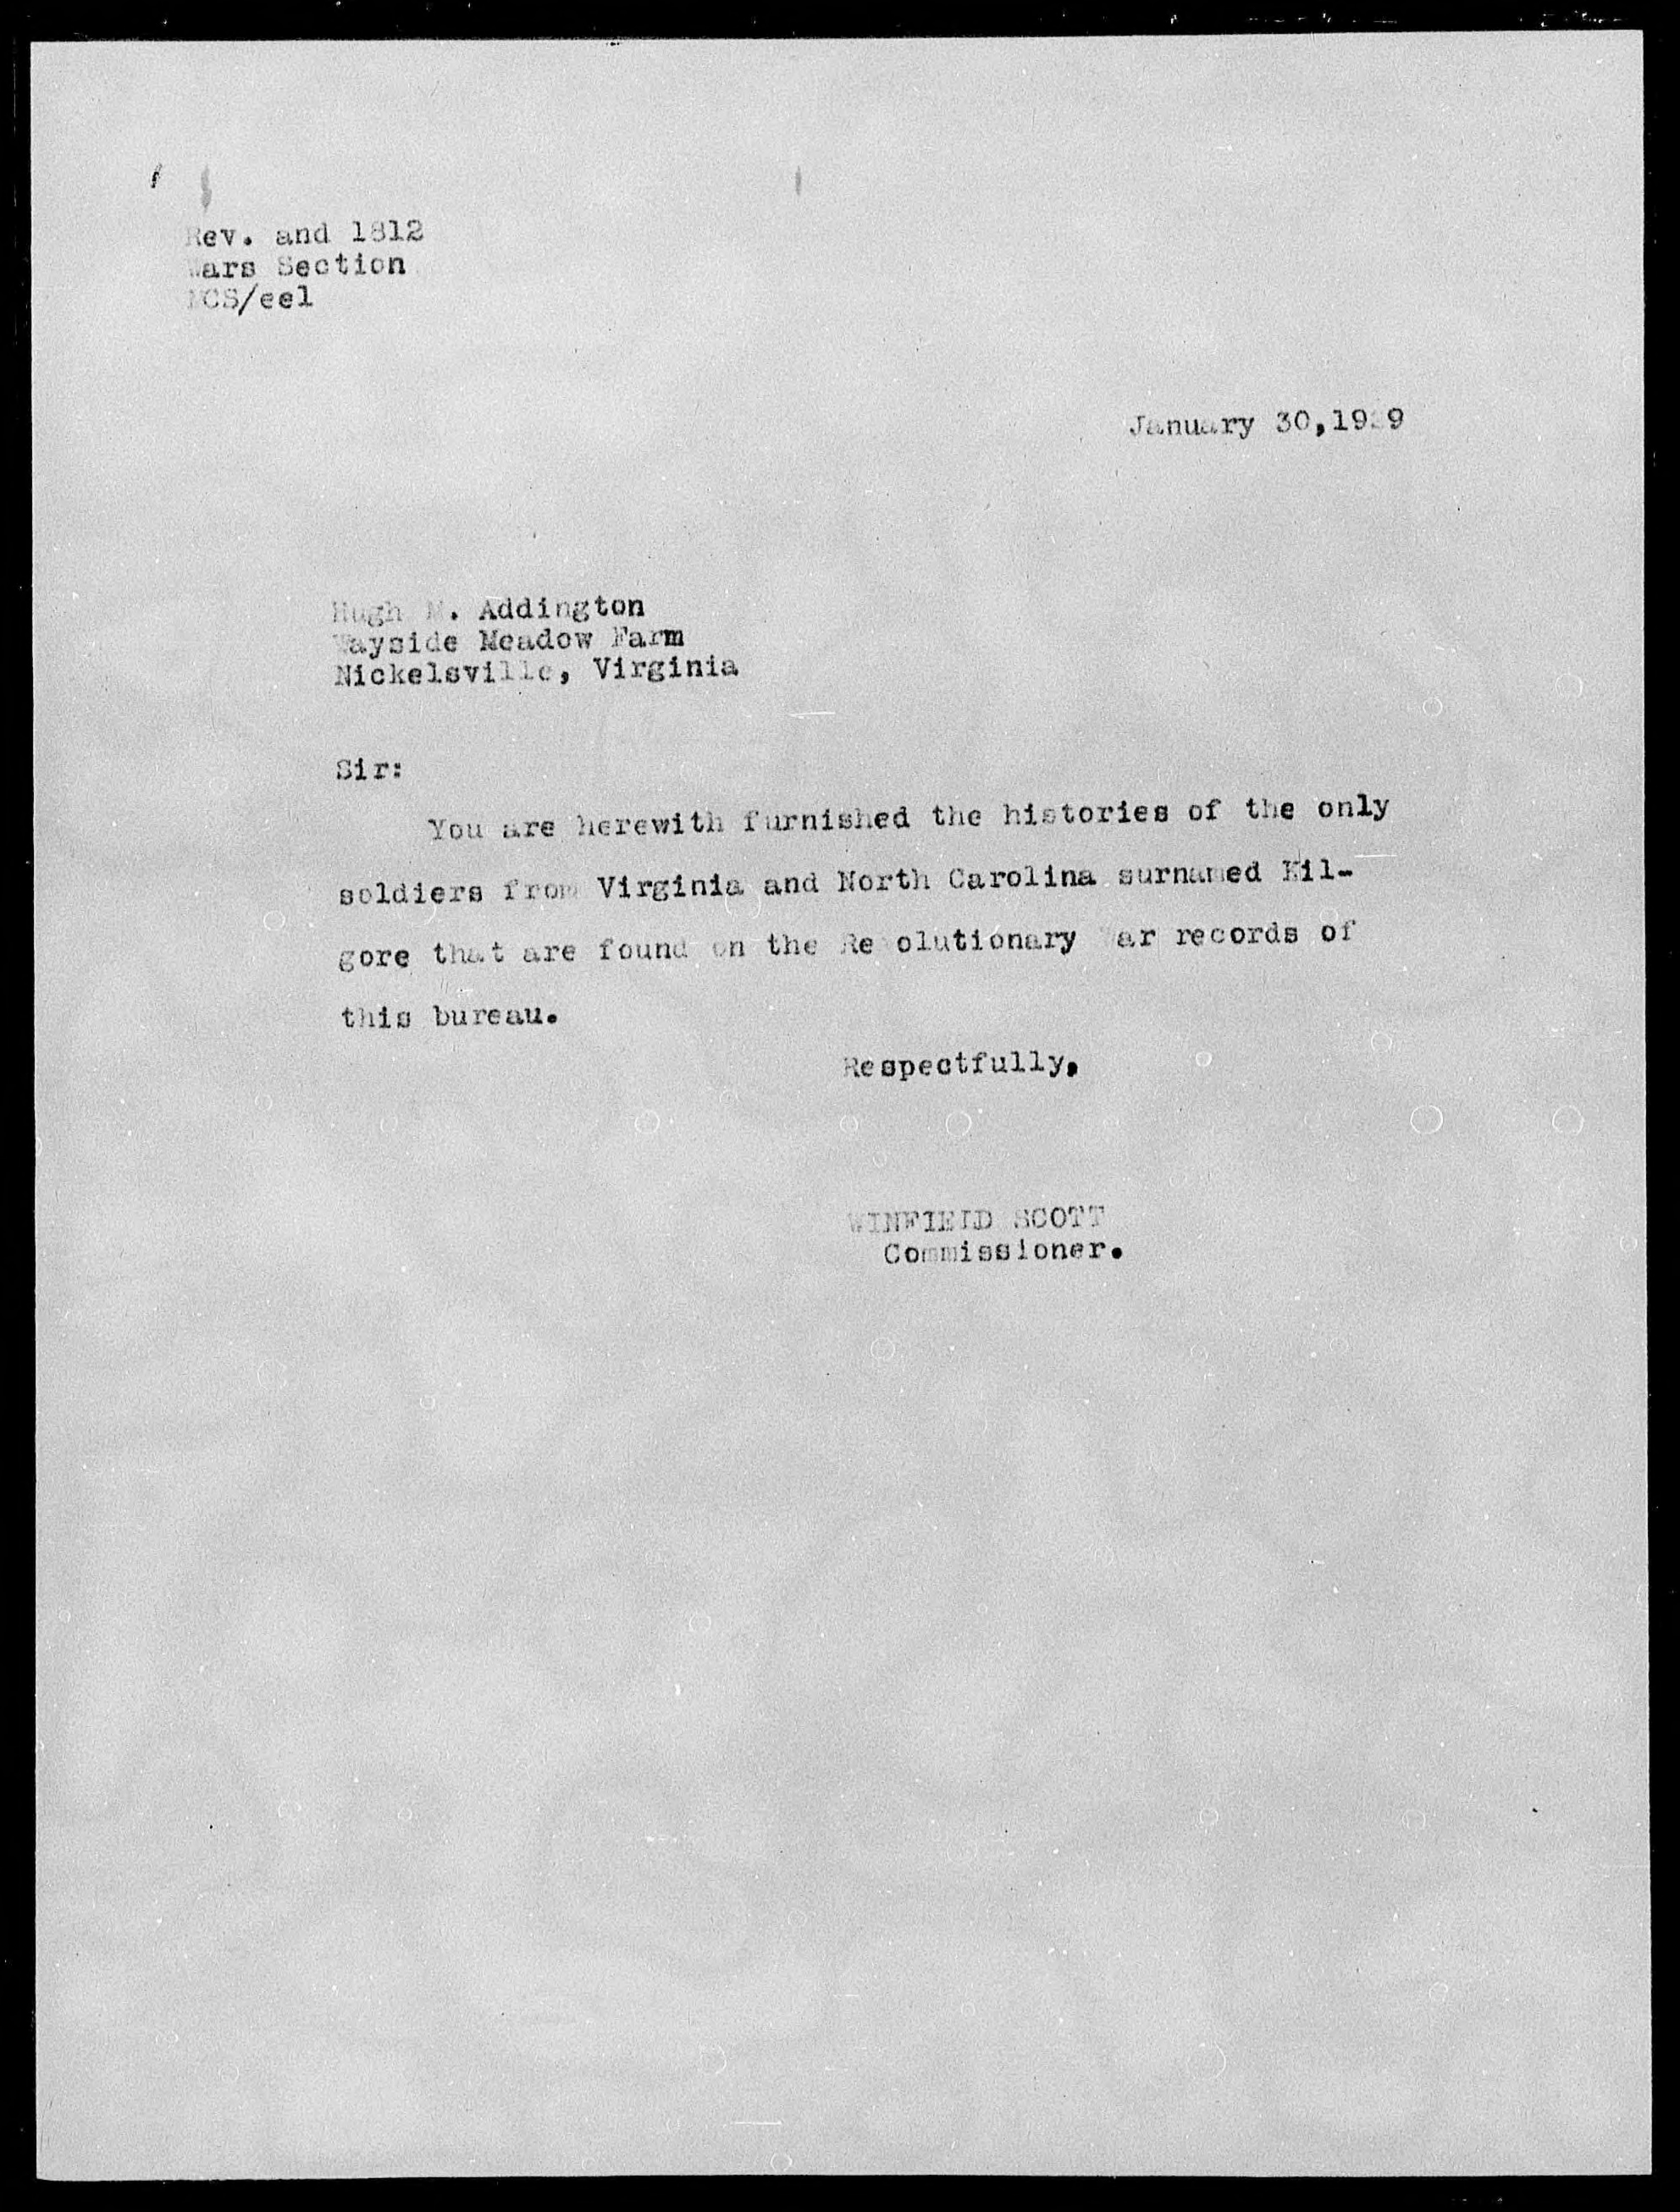Rev. and 1812
Wars Section
MCS/eel

January 30, 1939

Hugh M. Addington
Wayside Meadow Farm
Nickelsville, Virginia

Sir:
You are herewith furnished the histories of the only soldiers from Virginia and North Carolina surnamed Kilgore that are found on the Revolutionary War records of this bureau.
Respectfully,
WINFIELD SCOTT
Commissioner.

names: Hugh M Addington; Winfield Scott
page: 106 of 115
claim: survivor's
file: S. 699, for Charles Kilgore, Virginia